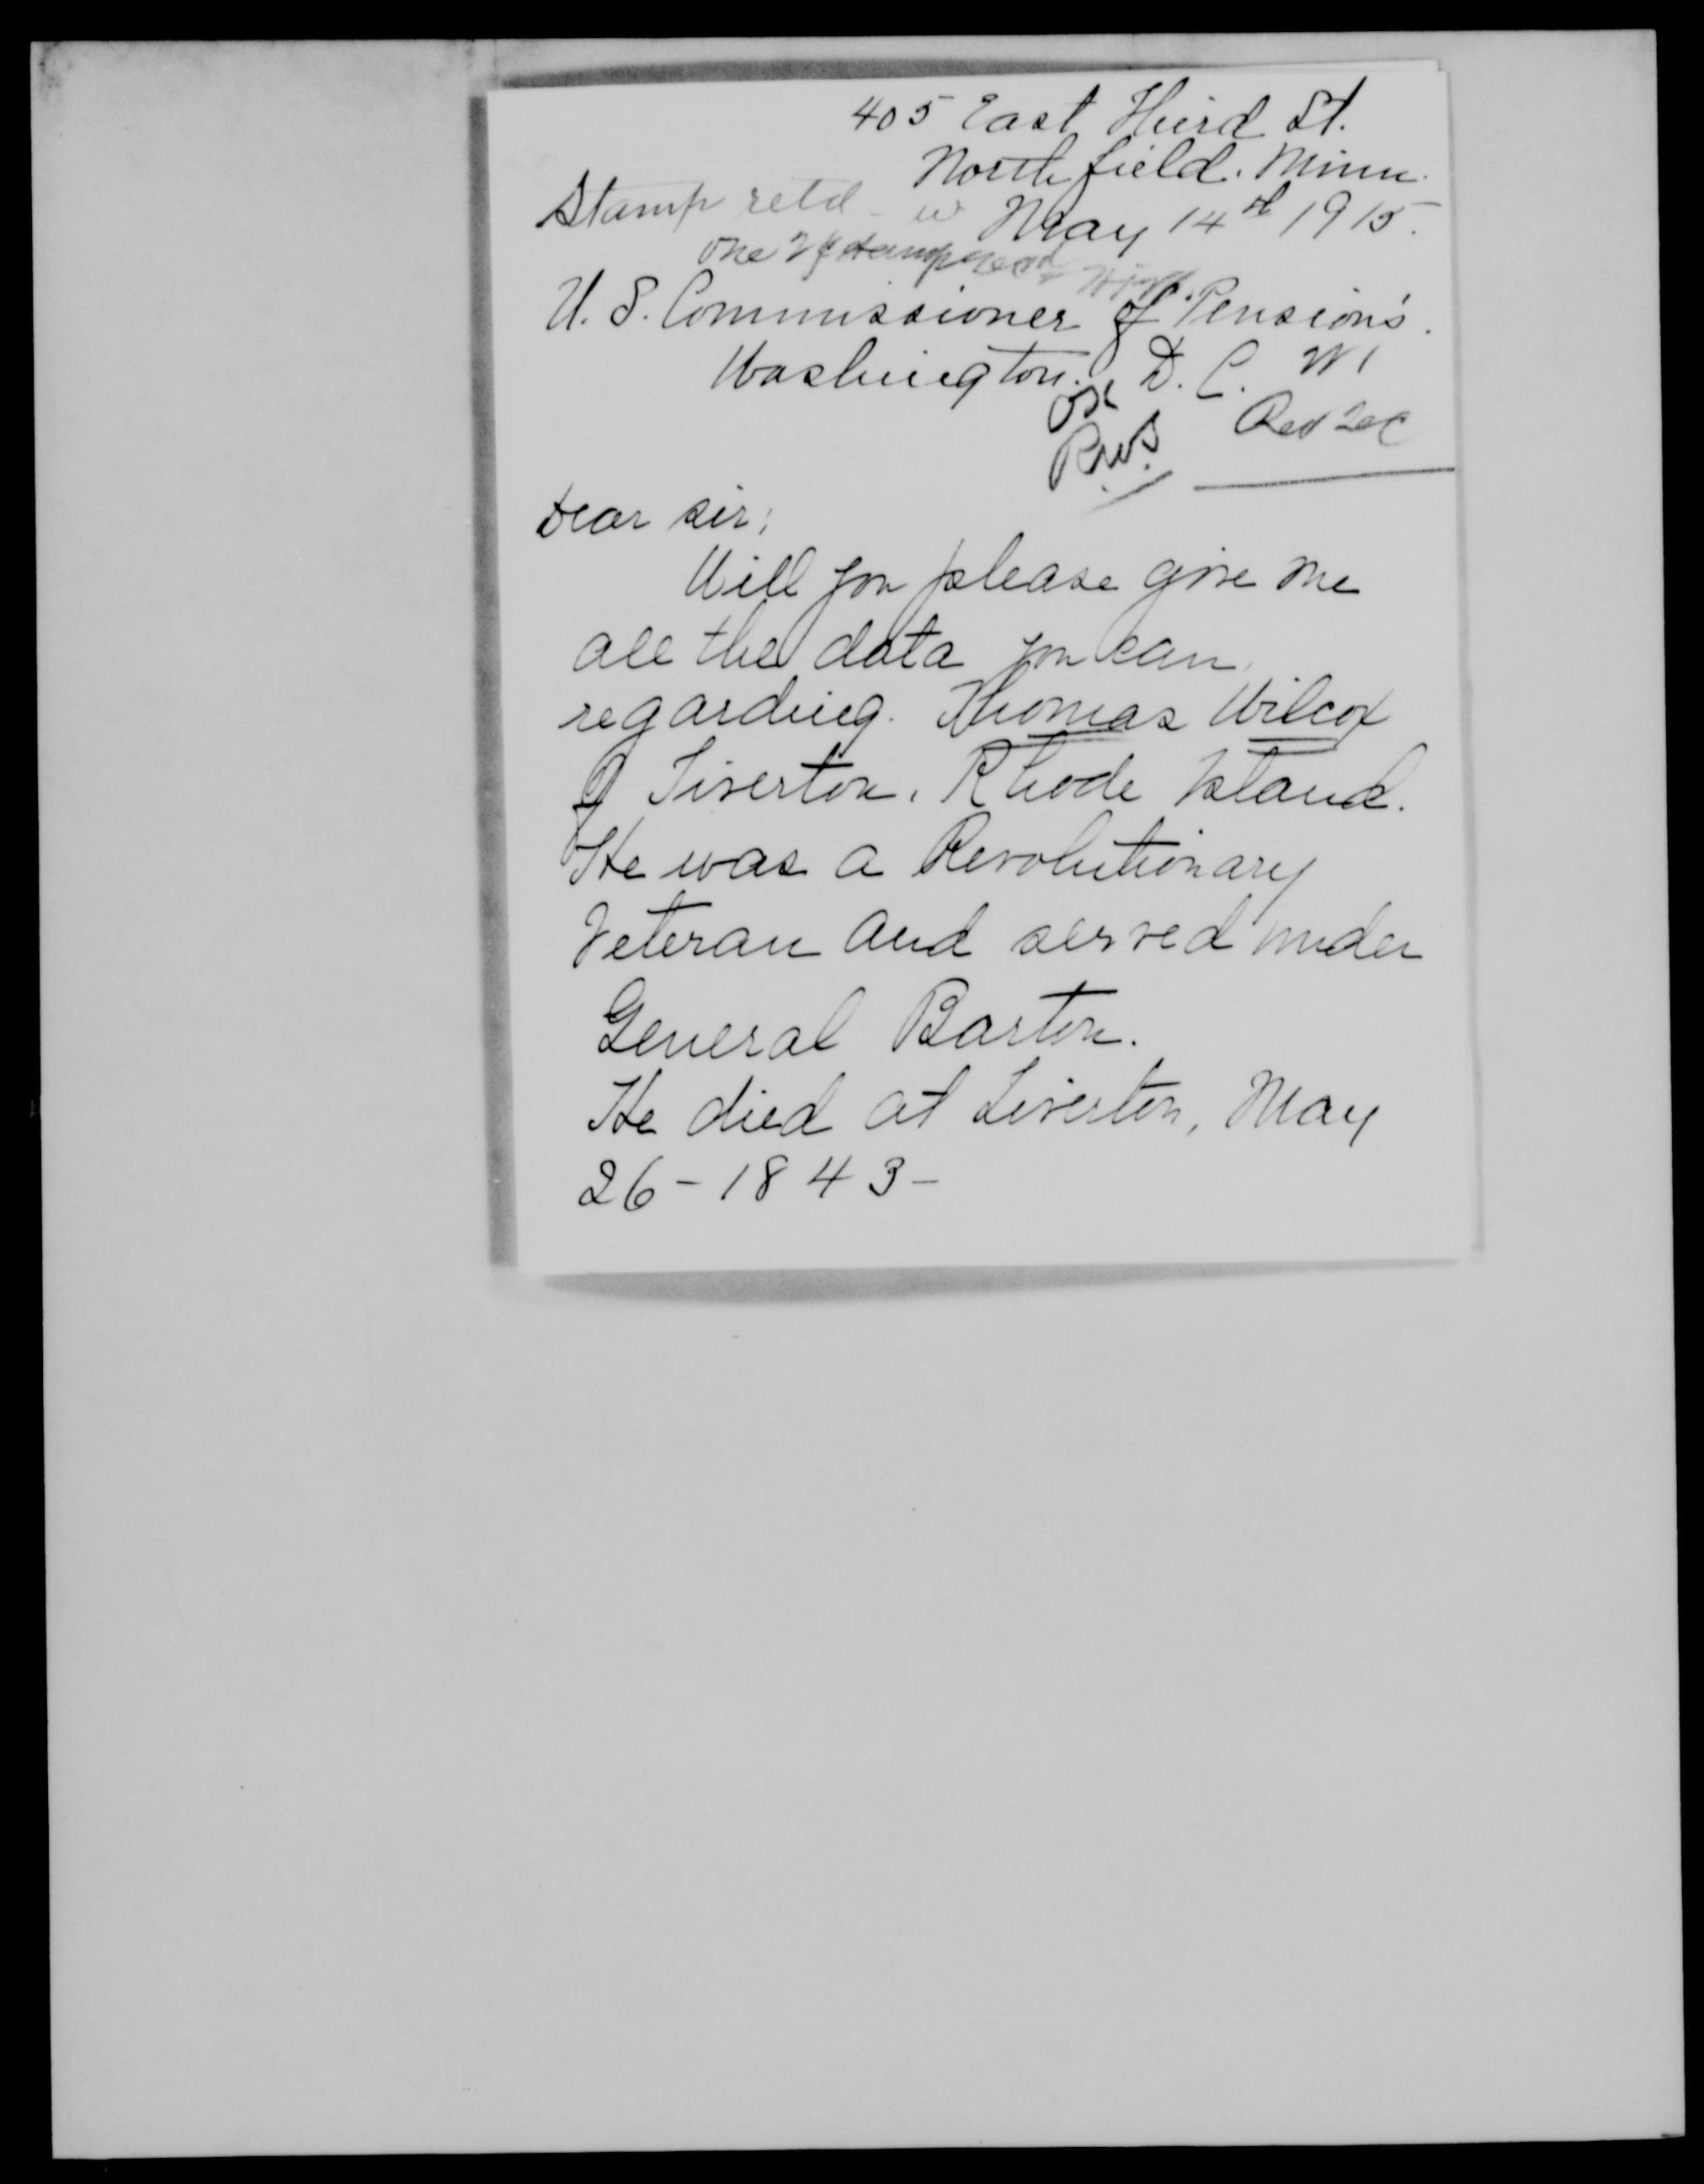405 East Third St.
Northfield, Minn.
Stamp retd-w 
May 14th 1915.
one of atempted
 
U.S. Commissioner of Pensions.
Washington, D.C. W1

Ok RWS
Recded  [Illegible]

Dear sir:
Will you please give me
all the data you can
regarding Thomas Wilcox
Tiverton, Rhode Island
He was a Revolutionary
veteran and served under
General Barton
He died at Tiverton, May
26 - 1843-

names: Thomas Wilcox, Barton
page: 36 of 39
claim: widow's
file: W. 26046, Thomas Willcox, R.I.